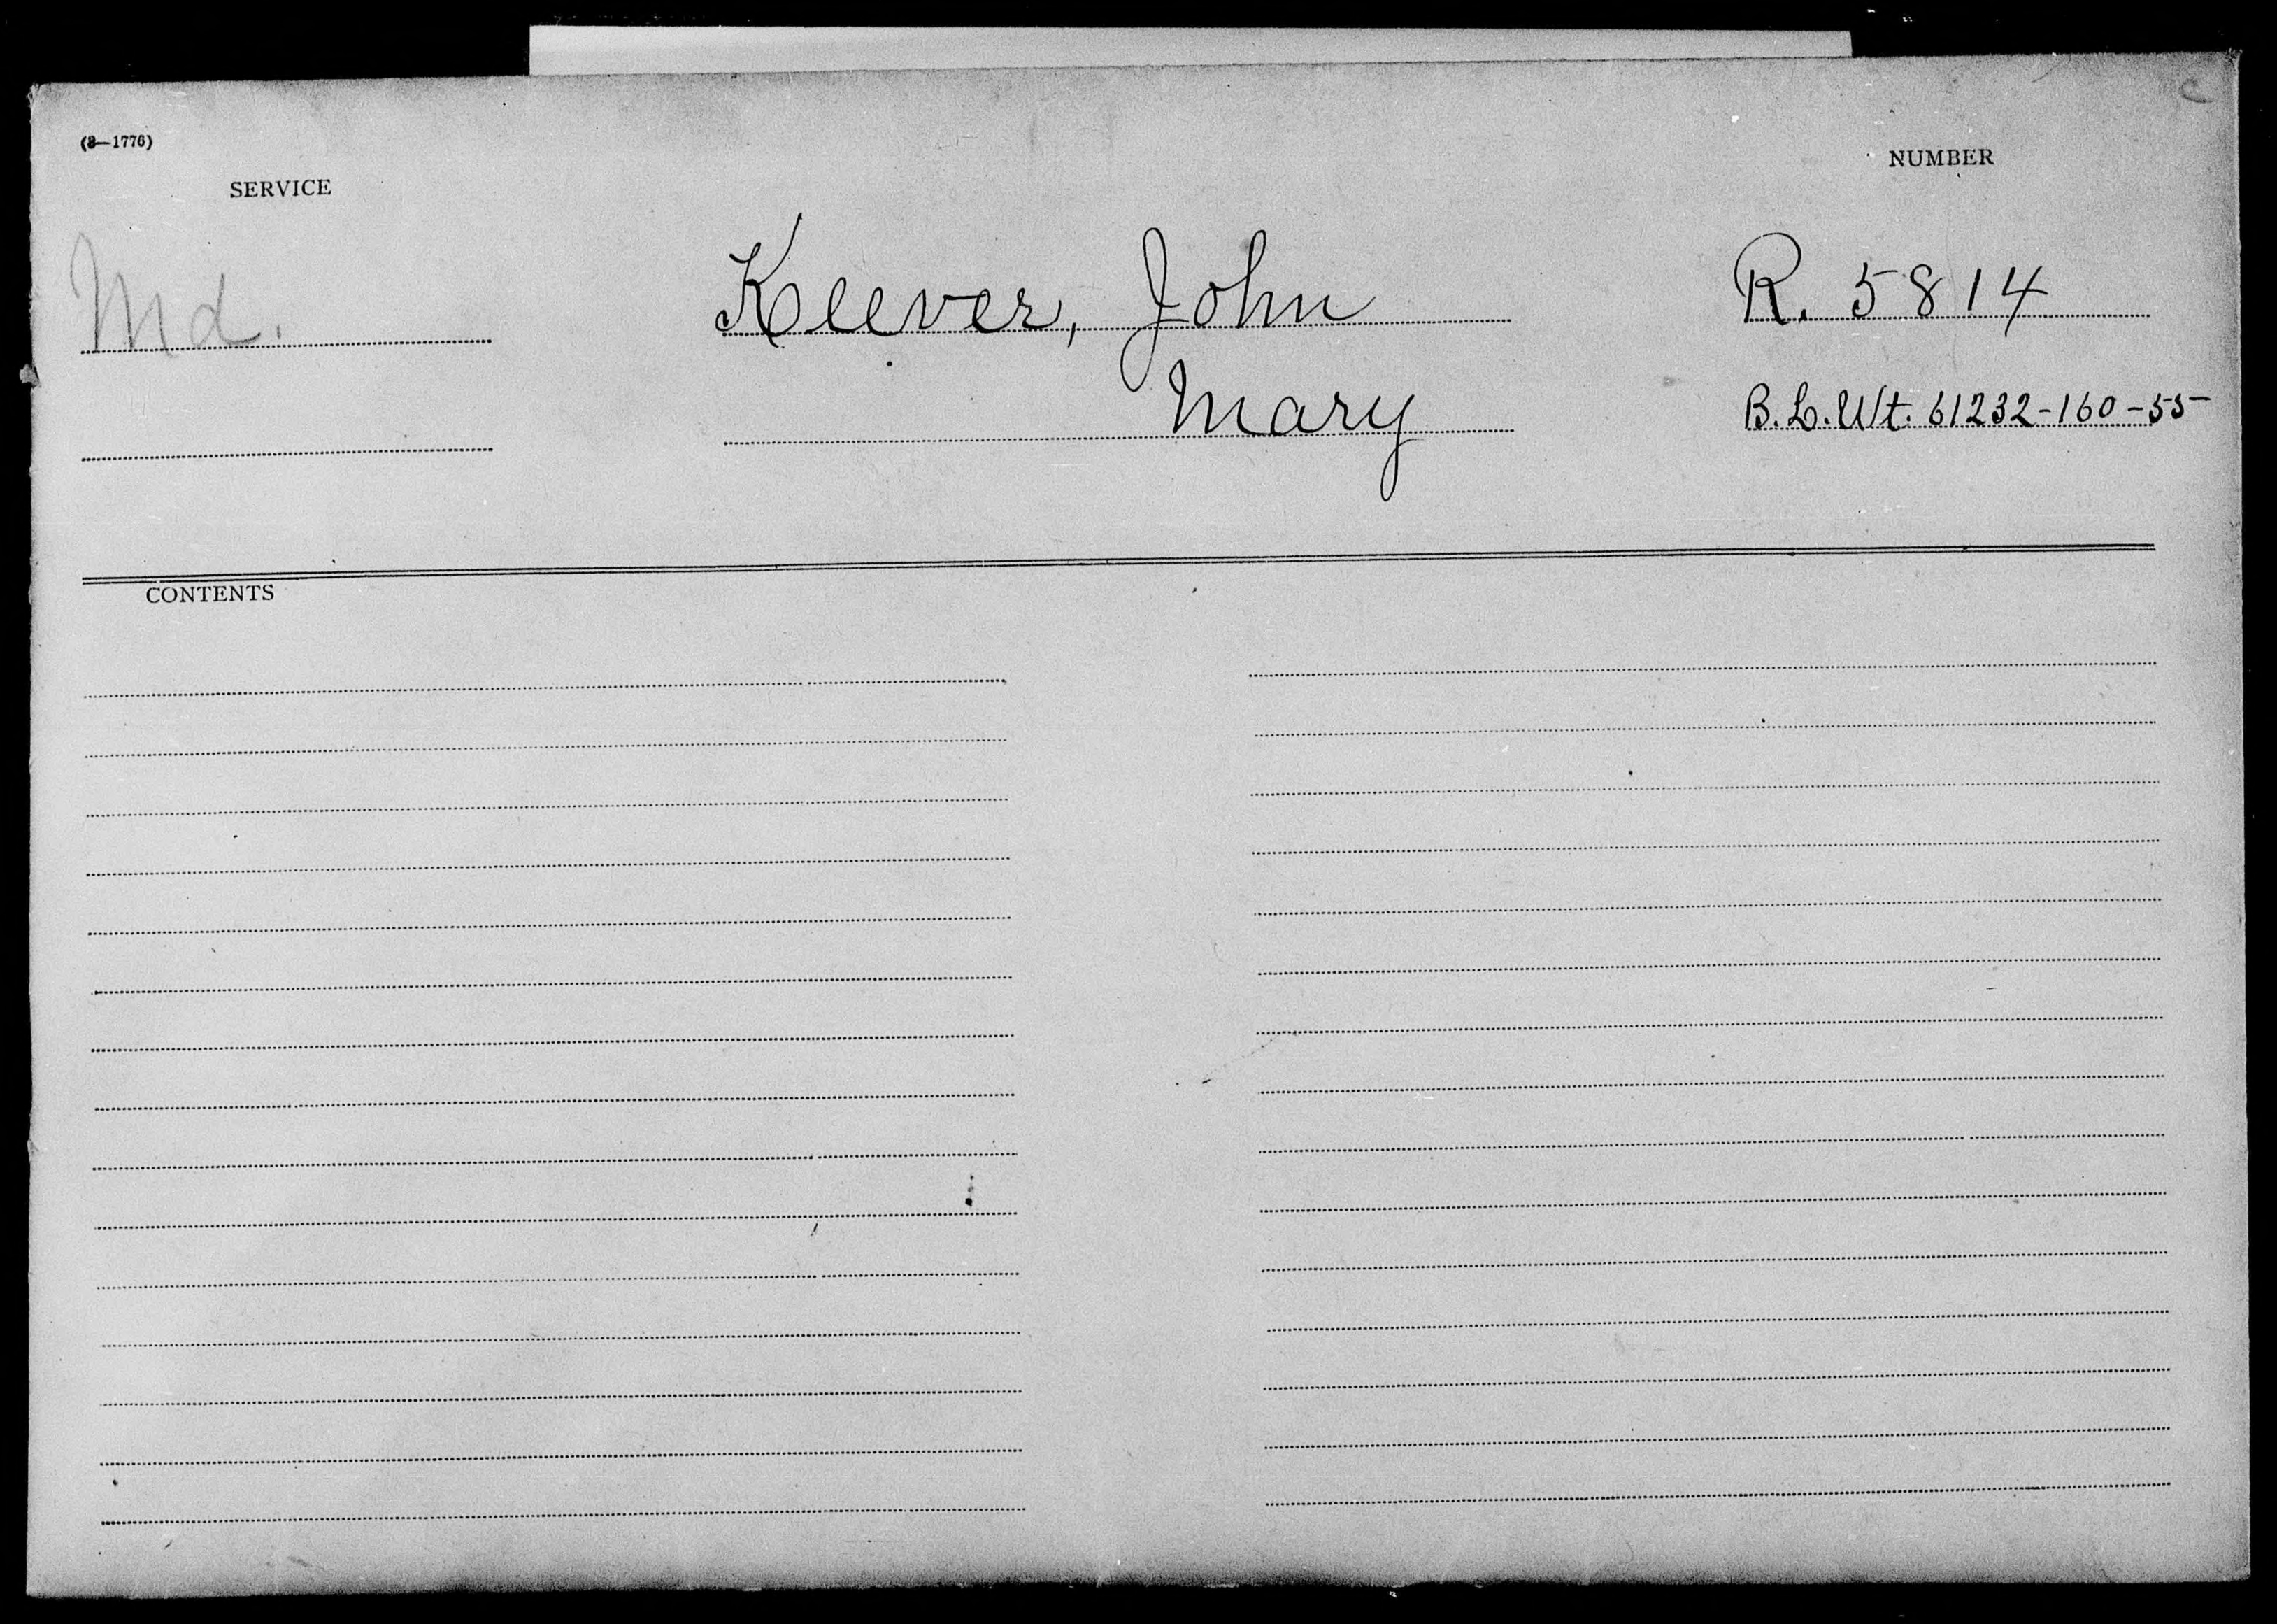Service
MD

Name
Keever, John
Mary

Number
R.5814
B.L.Wt. 61232-160-55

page: 1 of 33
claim: rejected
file: R. 5814, for John Keever, Maryland